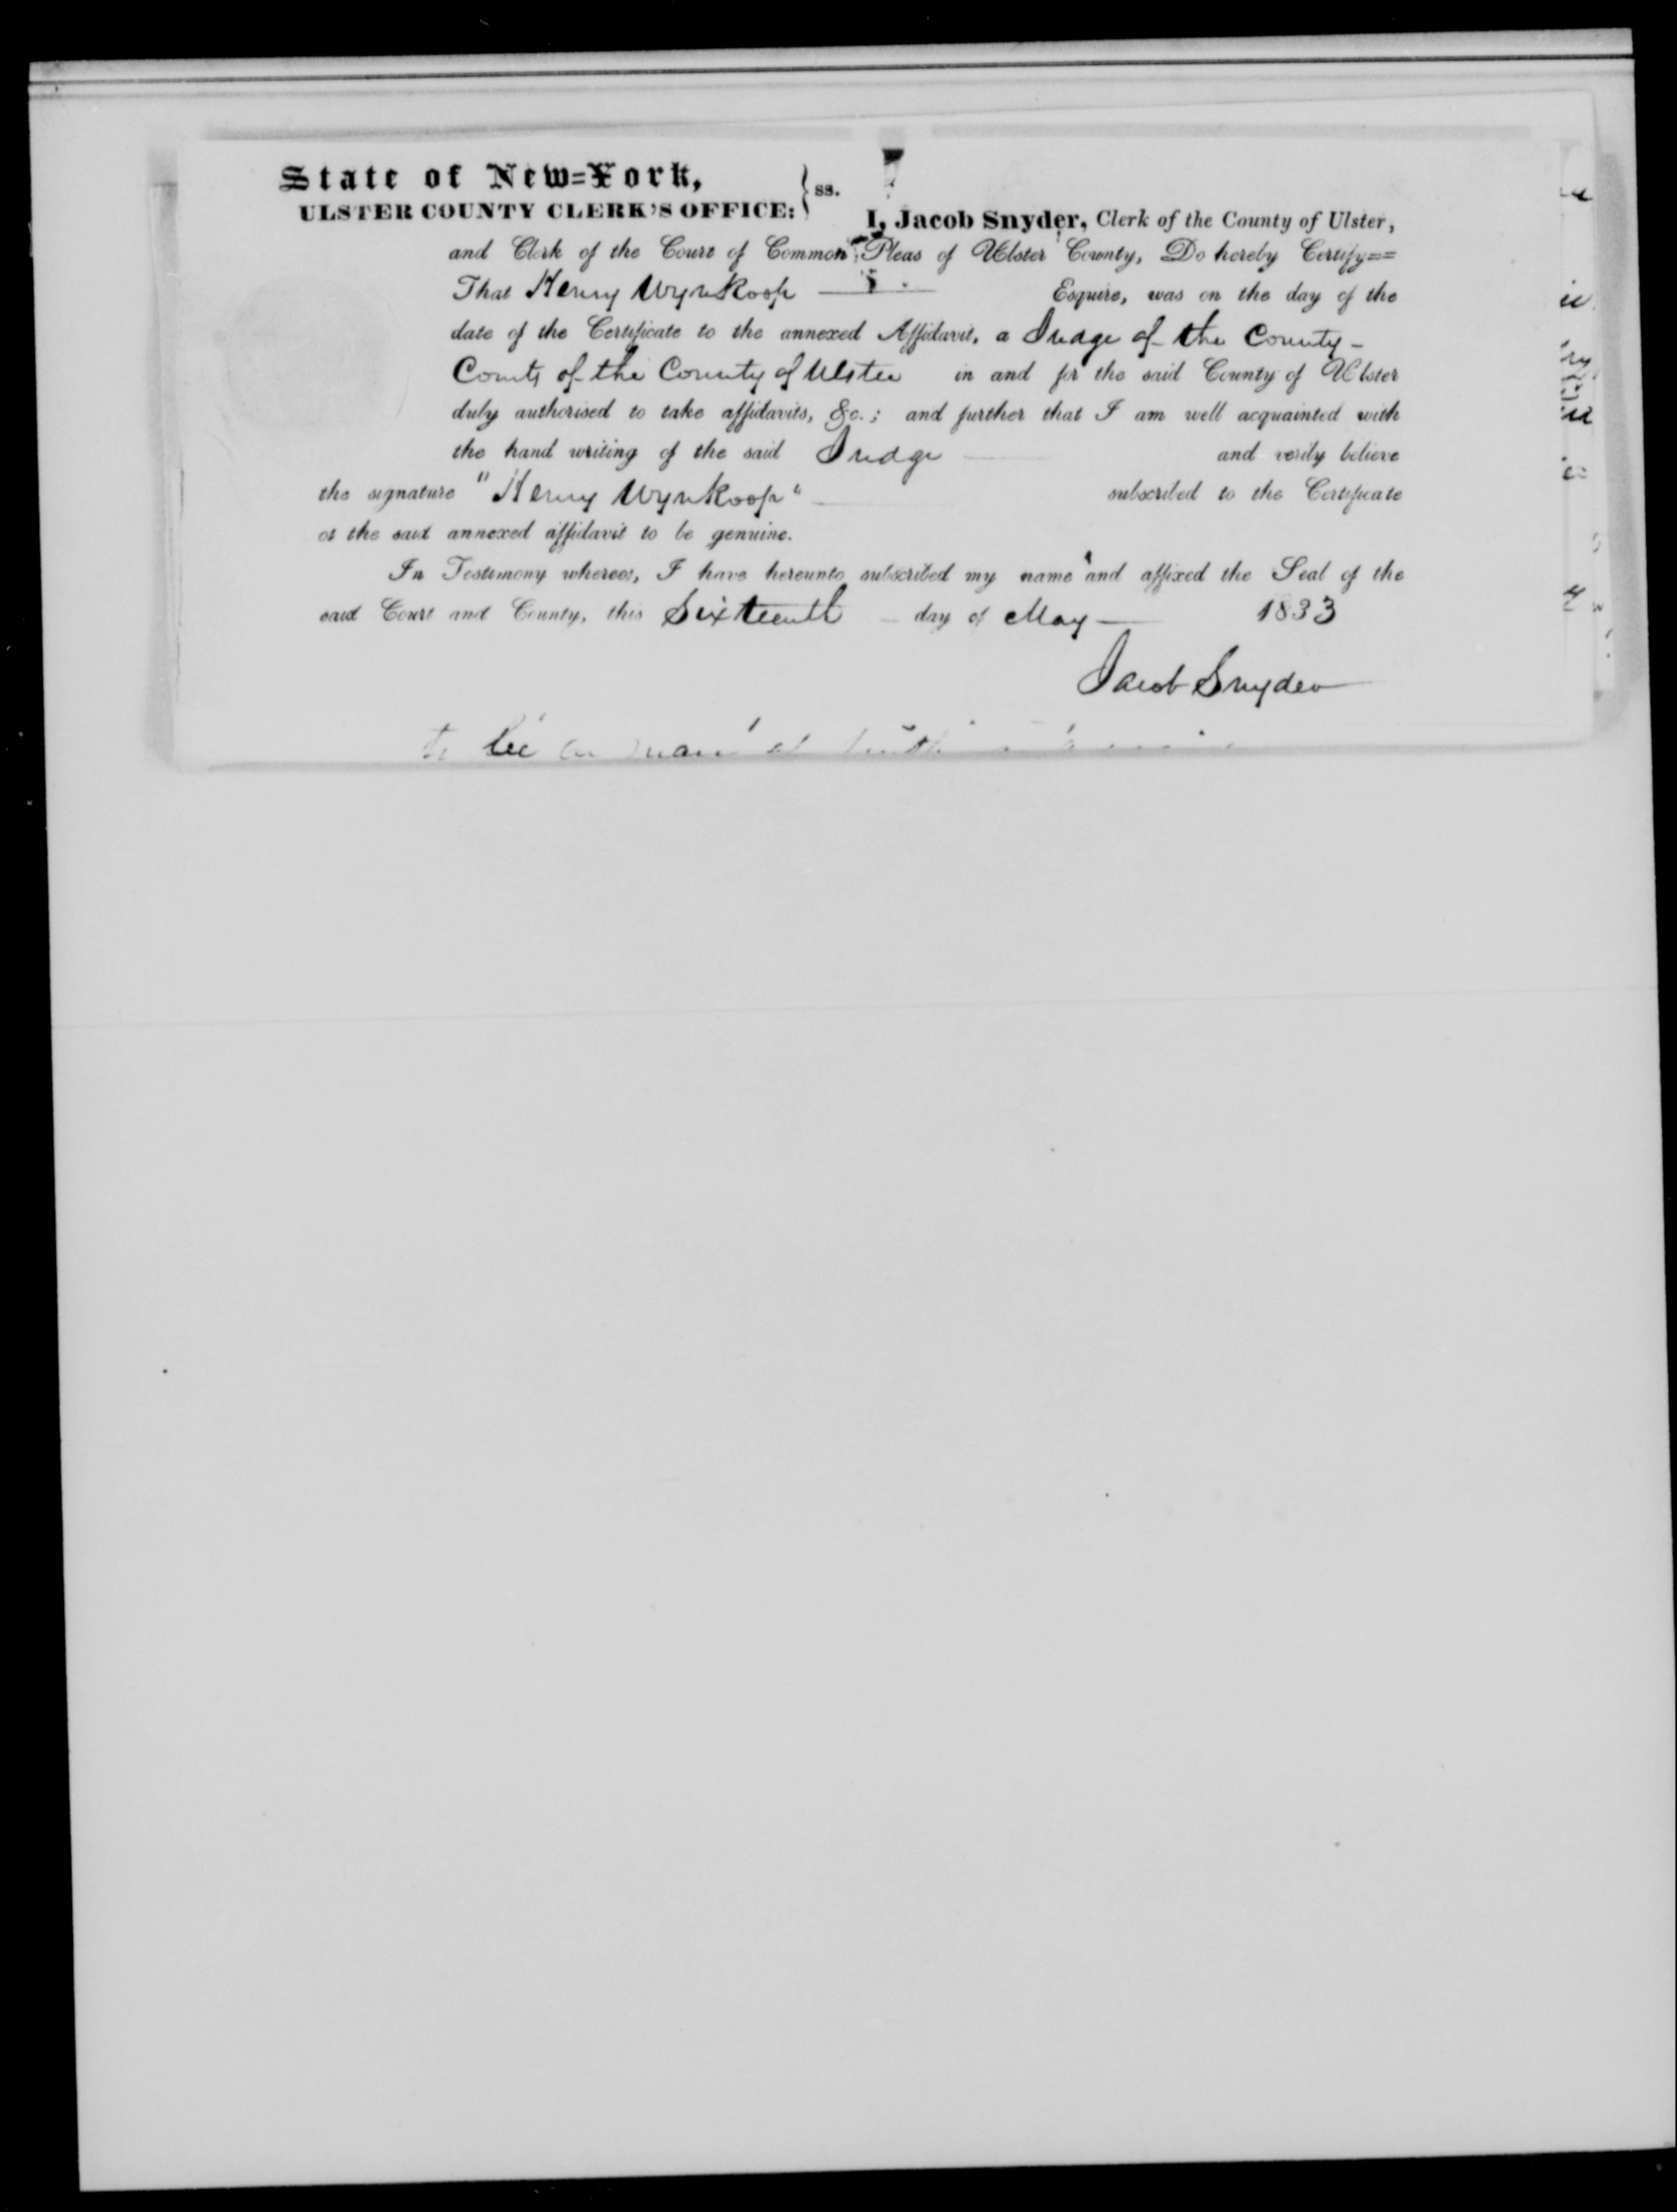State of New York,
Ulster County Clerk's Office:} Ss.
I, Jacob Snyder, Clerk of the County of Ulster, and Clerk of the court of Common Pleas of Ulster county, Do hereby Certify That Henry Wynkoop Esquire, was on the day of the date of the Certificate to the annexed Affidavit, a Judge of the County--Courts of the County of Ulster in and for the said County of Ulster duly authorised to take affidavits, &c.; and further that I am well acquainted with the hand writing of the said Judge and verily believe the signature "Henry Wynkoop" subscribed to the Certificate of the said annexed affidavit to be genuine.
In Testimony whereof, I have hereunto subscribed my name and affixed the Seal of the said Court and County, this Sixteenth day of May--1833
Jacob Snyder

[illegible, cut off]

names: Jacob Snyder; Henry Wynkoop; Henry Wynkoop; Jacob Snyder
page: 10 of 29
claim: survivor's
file: S. 11415, for Aldert Smedes, New York